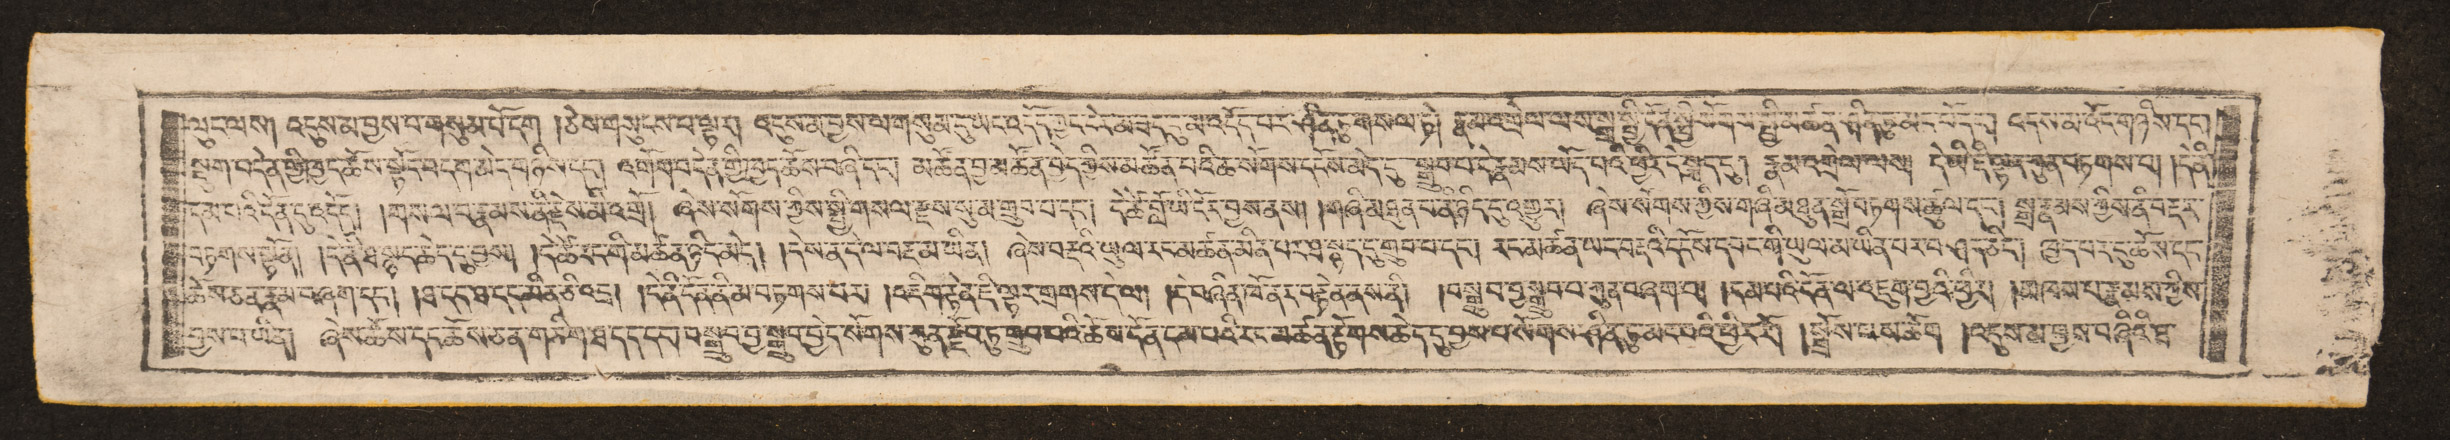ལུང་ལས། འདུས་མ་བྱས་པ་གསུམ་པོ་དག །ཅེས་གསུངས་པ་ལྟར། འདུས་མ་བྱས་ལ་གསུམ་དུ་ཡང་འདོད་ཀྱང་དེར་མ་ཟད་དུ་མ་འདོད་པར་ཤིན་ཏུ་གསལ་ཏེ། རྣམ་འགྲེལ་ལས་སྒྲ་སྤྱི་དོན་སྦྱི་སོགས་སྤྱི་མཚན་ཤིན་ཏུ་མང་པོ་དང་། འདས་མ་འོང་གཉིས་དང་།
སྡུག་བདེན་གྱི་ཁྱད་ཆོས་སྟོང་བདག་མེད་གཉིས་དང་། འགོག་བདེན་གྱི་ཁྱད་ཆོས་བཞི་དང་། མཚོན་བྱ་མཚོན་བྱེད་ཀྱིས་མཚོན་པའི་ཆ་སོགས་དངོས་མེད་དུ་སྒྲུབ་པ་དེ་རྣམས་ཡོད་པའི་ཕྱིར་དེ་སྐད་དུ། རྣམ་འགྲེལ་ལས། དེ་ཡི་ཇི་ལྟར་ཀུན་བཏགས་པ། །དེ་ནི་
དམ་པའི་དོན་དུ་འདོད། །གསལ་བ་རྣམས་ནི་རྗེས་མི་འགྲོ། ཞེས་སོགས་ཀྱིས་སྤྱི་གསལ་རྫས་སུ་མ་གྲུབ་པ་དང་། དེ་ཚེ་བློ་ཡི་ངོར་བྱས་ནས། །གཞི་མཐུན་པ་ནི་ཉིད་དུ་འགྱུར། ཞེས་སོགས་ཀྱིས་གཞི་མཐུན་སྒྲོ་བཏགས་ཚུལ་དང་། སྒྲ་རྣམས་ཀྱིས་ནི་བརྡར་
བཏགས་སྟོན་།དེ་ནི་ཐ་སྙད་ཆེད་དུ་བྱས། །དེ་ཚེ་དང་གི་མཚན་ཉིད་མེད། །དེས་ན་དེ་ལ་བརྔ་མ་ཡིན། ཞེས་བརྡའི་ཡུལ་རང་མཚན་མིན་པར་ཐ་སྙད་དུ་གྲུབ་པ་དང་། རང་མཚན་ཡང་བརྡའི་དངོས་དབང་གི་ཡུལ་མ་ཡིན་པར་བཤད་ཅིང་། ཁྱད་པར་དུ་ཆོས་དང་
ཆོས་ཅན་རྣམ་བཞག་དང་། །ཐ་དད་ཐ་དད་མིན་ཅི་འདྲ། །དེ་ནི་དོན་ནི་མ་བཏགས་པར། །འཇིག་རྟེན་ཇི་ལྟར་གྲགས་དེ་ལ། །དེ་བཞིན་ཁོ་ནར་བརྟེན་ནས་ནི། །བསྒྲུབ་བྱ་སྒྲུབ་པ་ཀུན་བཞག་པ། །དམ་པའི་དོན་ལ་འཇུག་བྱའི་ཕྱིར། །མཁས་པ་རྣམས་ཀྱིས་
བྱས་པ་ཡིན། ཞེས་ཆོས་དང་ཆོས་ཅན་གཅིག་ཐ་དད་དང་། བསྒྲུབ་བྱ་སྒྲུབ་བྱེད་སོགས་ཀུན་རྫོབ་ཏུ་གྲུབ་པའི་ཆོས་དོན་དམ་པའི་རང་མཚན་རྟོགས་ཆེད་དུ་བྱས་པ་སོགས་ཤིན་ཏུ་མང་པའི་ཕྱིར་རོ། །སྤྲོས་པས་ཆོག །འདུས་མ་བྱས་བཞིའི་ཐ་